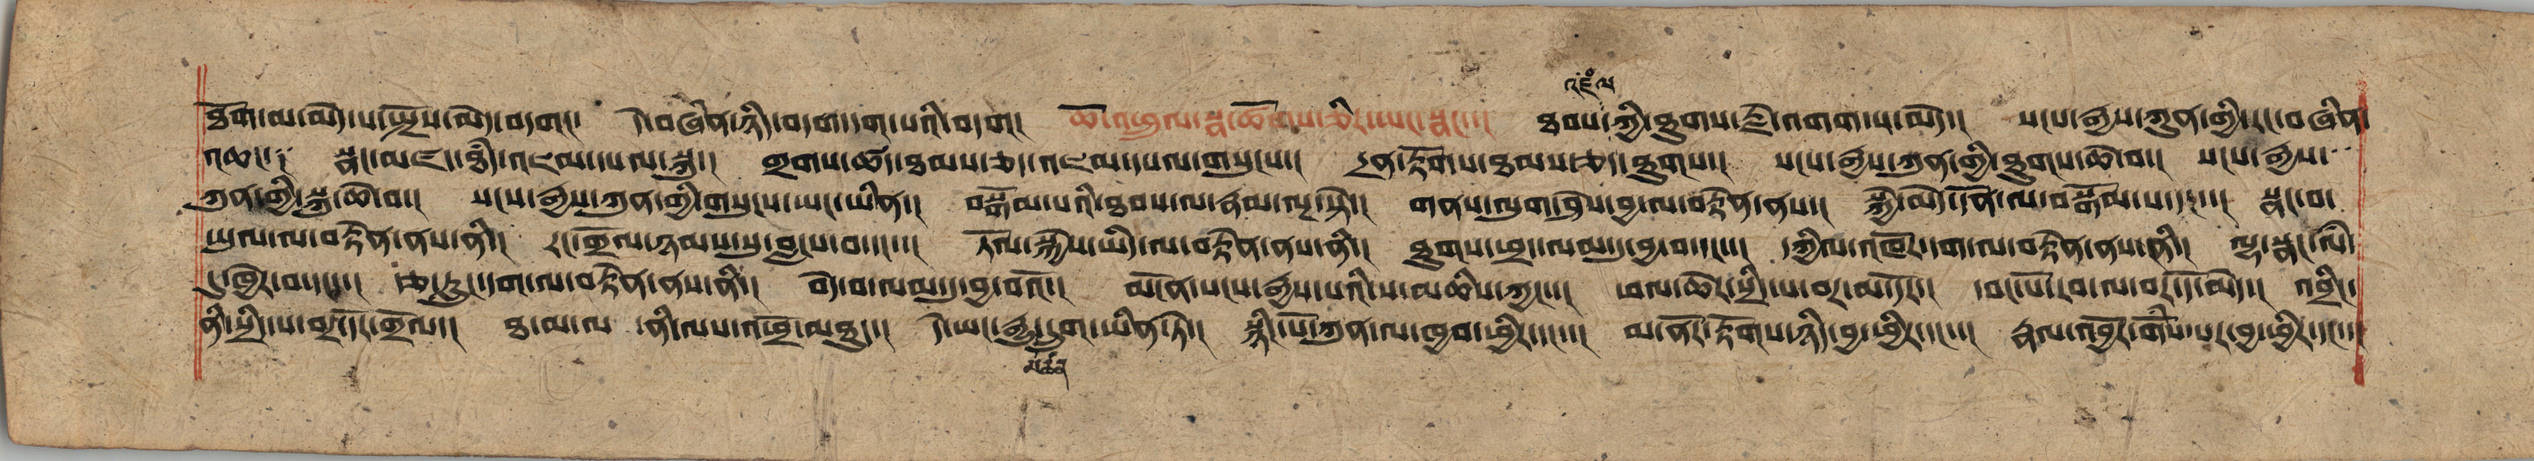ཐོག་མ་མེད་པ་སྤྲོས་མེད་བདག།་ དེ་བཞིན་ཉིད་བདག་དག་པའི་བདག། ཆོ་འཕྲུལ་སྣ་ཚོགས་ཅིརཡང་སྣང་་། ཐབས་ཀྱི་ཐུགས་རྗེ་འགག་པ་མེད་། སངས་རྒྱས་ཀུན་གྱི་རང་བཞིན
འཆང་༑ སྣང་མཛད་ཐདཾ་འཇམ་དཔལ་སྐུ་། གྲགས་ཚད་ཐམས་ཅད་འཇམ་དཔལ་གསུངས་། དྲན་རྟོགས་ཐམས་ཅད་ཐུགས་། སངས་རྒྱས་ཀུན་གྱི་ཐུགས་ཆེ་བ་། སངས་རྒྱས་
ཀུན་གྱི་སྐུ་ཆེ་བ་། སངས་རྒྱས་ཀུན་གྱི་གསུངས་ཡང་ཡིན་། བསྒོམ་པའི་ཐབས་ལ་རྣམ་ལྔ་སྟེ་། གནས་ལུགས་ཤེས་བྱ་ལ་བརྟེན་ནས་། སྐྱེ་མེད་དོན་ལ་བསྒོམ་པ་དང་་། སྣང་བ་
ཡུལ་ལ་བརྟེན་ནས་ནི་། རང་གྲོལ་ཉམས་སུ་བླངས་བ་དང་་། ཏོལ་སྐྱེས་ཡིད་ལ་བརྟེན་ནས་ནི་། ཐུགས་ཕྲད་ལམ་དུ་བྱ་བ་དང་་། དཀྱིལ་འཁོར་དག་ལ་བརྟེན་ནས་ནི་། ལྷ་སྣང་ལཾ་
དུ་ཁྱེར་བ་དང་་། རྩ་རླུང་དག་ལ་བརྟེན་ནས་ནི་། བདེ་བ་ལམ་དུ་བྱ་བའོ་། མངོན་སངས་རྒྱས་པའི་ས་མཆཾས་ཀྱང་་། ཕལ་ཆེར་སྲིད་པ་བར་མ་དོར་། དབང་པོ་རབ་ལ་བར་དོ་མེད་། འབྲིང་
དེ་སྲིད་པ་བར་དོར་གྲོལ་། ཐ་མ་ལ་ནི་ལས་འཕྲོ་མཐུད་། དེ་ཡང་རྒྱུ་དྲུག་ཡིན་ཏེ་། སྙིང་པོ་ཀུན་ལ་ཁྱབ་ཕྱིར་དང་་། མ་ནོར་རྟོགས་ཉིད་བྱ་ཕྱིར་དང་་། རྣལ་འབྱོར་གོཾས་པར་བྱ་ཕྱིར་དང་་།